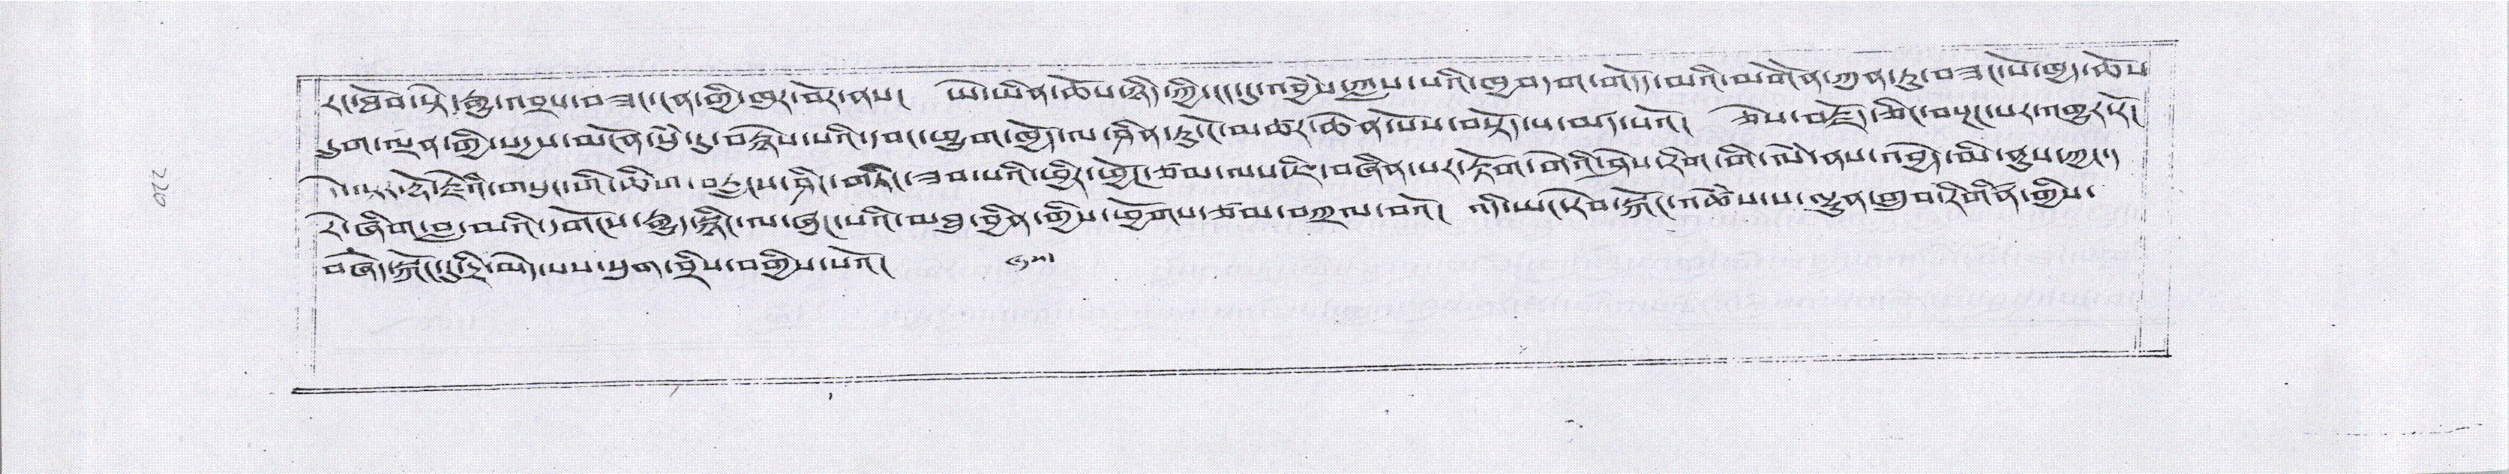རང་ཐོབ་སྟེ་རྒྱུ་འབྲས་བཟང་ངན་གྱི་ཁུར་བོར་ནས། ཡེ་ཡིན་ཆོས་ཉིད་ཀྱི་ངང་དུ་འབྱམས་ཀླས་པའི་ཁྱབ་བདག་གདོད་མའི་མགོན་པོ་ཀུན་ཏུ་བཟང་པོ་ཁྱད་ཆོས་
དྲུག་ལྡན་གྱི་སངས་རྒྱས་མངོན་སུམ་དུ་བརྙེས་པའི་དབང་ཕྱུག་ཁྱོད་ལ་ཤིན་ཏུ་ངོ་མཚར་ཆེན་པོས་བསྟོད་པ་མཛད་པའོ། ཅེས་བརྗོད་ཅིང་བསྔགས་པར་འགྱུར་རོ། 
དེ་ལྟར་རྡོ་རྗེའི་གསུང་གི་ཚིག་བརླངས་ཤིང་གཏིང་ཟབ་པའི་ཕྱིར་ཕྱོགས་ཙམ་ལས་ཇི་བཞིན་པར་རྟོག་གེའི་ཤེས་རིག་གི་ལམ་ནས་འབྱེད་མི་ནུས་ཀྱང། 
རེ་ཞིག་བླ་མའི་དགོངས་རྒྱུད་སྙིང་ལ་ཞགས་པའི་མཐུ་བྱིན་གྱིས་ཕྱོགས་ཙམ་བཀྲལ་བའོ། འདི་ཡང་རེབ་སྐོང་འཚམས་པ་ལྷུན་གྲུབ་རིག་འཛིན་གྱིས་
བཞེད་སྐོང་དུ་དྲི་མེད་པས་སུག་བྲིས་བགྱིས་པའོ། ཞུས་སོ། །